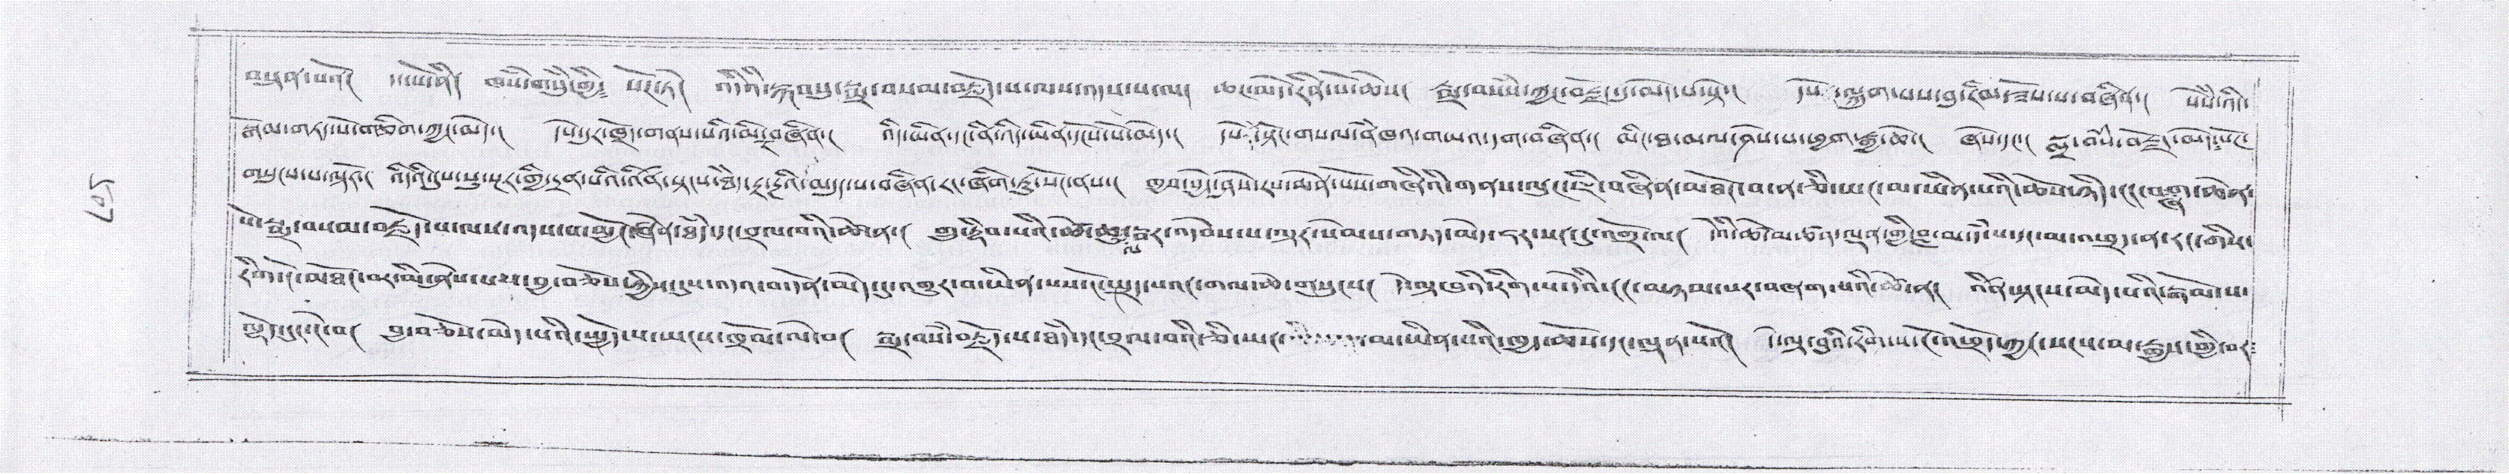བསྟན་པའོ། དང་པོ་ནི། ཁམས་གསུམ་གྱི་སོགས་ཏེ། འདིའི་སྐབས་སུ་སྨྲ་བསམ་བརྗོད་པ་ལས་འདས་པ་ལ། ཆགས་མེད་རིན་པོ་ཆེས། སྨྲ་བསམ་ཀྱང་བརྗོད་དུ་མེད་པ་སྟེ། །དཔེ་ལྐུགས་པས་བུ་རམ་ཟོས་པ་བཞིན། །སེམས་འདི་
སྒོམ་གཏད་སོ་གཅིག་ཀྱང་མེད། །དཔེ་དུར་ཁྲོད་གནས་པའི་མི་རོ་བཞིན། །འདི་ཡིན་དང་འདི་ཡིན་དངོས་པོ་མེད། །དཔེ་སྟོང་གསལ་ནམ་མཁའ་གཡའ་དག་བཞིན། །མིང་ཐ་མལ་ཤེས་པ་ཕྱག་རྒྱ་ཆེ། །ཞེས་དང་། སྨྲ་བསམ་བརྗོད་མེད་སོགས་
གསུངས་པ་ལྟར་རོ། །འདིའི་དུས་སུ་སྔར་གྱི་དྲན་པའི་འཛིན་སྟངས་ཐམས་ཅད་རྟ་རྔའི་མདུད་པ་བཞིན་རང་ཞིགས་སུ་སོང་ནས། ཁྱབ་བྱེད་ཤེས་རབ་ཆེན་པོས་གཞིའི་གནས་ལུགས་ཇི་བཞིན་མཐོང་བ་ན་ཅི་ཡང་མ་ཡིན་པའི་ཆོས་ཉིད་ངང་བཞག་ཆེན་
པོ་སྨྲ་བསམ་བརྗོད་པ་ལས་འདས་པ་མྱོང་ཞེན་ཐམས་ཅད་དང་བྲལ་བའི་ཚེ་ན། གྲུ་རྡིབ་པའི་ཚེ་ཆུ་ལ་སྤར་འདེབས་པ་ལྟར་སེམས་གཏད་མེད་ཧར་སང་དུ་འགྲོ་ལ། དེའི་ཚེ་མཚན་ལྡན་གྱི་བླ་མ་དམ་པ་དང་མ་འཕྲད་ན་རང་གིས་
རིག་ངོ་མཐོང་བར་མི་ཤེས་པས་བྱ་བཅོས་ཀྱིས་དུས་འདའ་བ་དོན་མེད་དུ་འགྱུར་བ་ཡིན་པས་ངོ་སྤྲད་པའང་གལ་ཆེ་གསུངས། དེ་ལྟ་བུའི་རིག་པ་དེའི་ངང་མཉམ་པར་བཞག་པའི་ཚེ་ན། འཛིན་སྟངས་མེད་པའི་སྒོམ་པ་
ལྷོད་དུང་ངེ་བ། བྱ་བཅོས་མེད་པའི་སྤྱོད་པ་སངས་ཁྲོལ་ལེ་བ། སྨྲ་བསམ་བརྗོད་པ་ཐམས་ཅད་དང་བྲལ་བའི་ཅི་ཡང་མ་ཡིན་པའི་ཁྱད་ཆོས་དང་ལྡན་པའོ། །དེ་ལྟ་བུའི་རིག་པ་ངོ་འཕྲོད་ཀྱང་སངས་མ་རྒྱས་ཀྱི་བར་དུ་